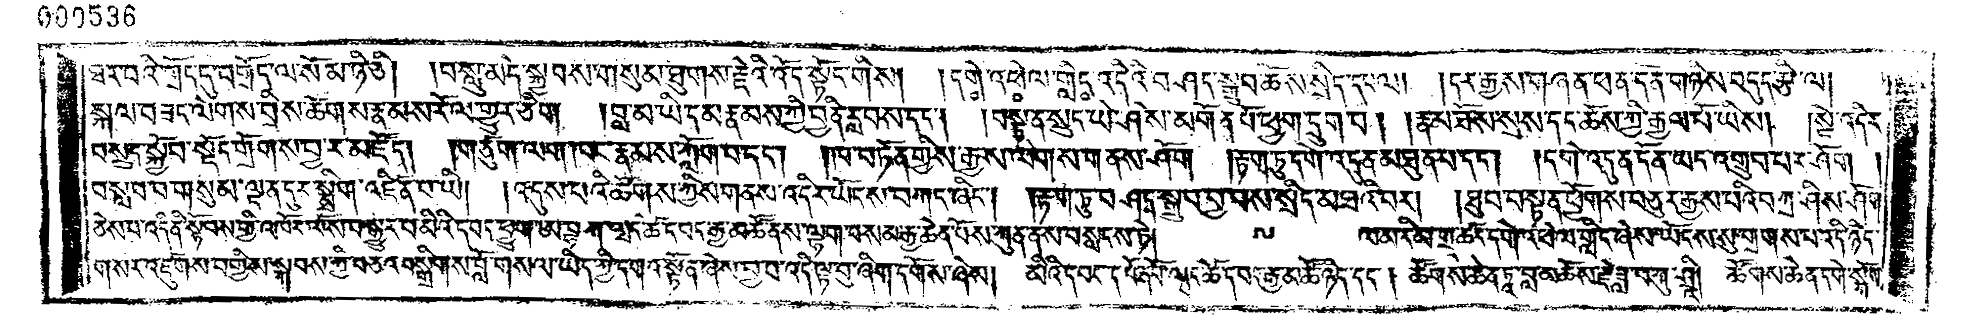ཐར་བའི་གྲོང་དུ་བགྲོད་ལ་སོམ་ཉི་ཅི། །བསླུ་མེད་སྐྱབས་གསུམ་ཐུགས་རྗེའི་འོད་སྟོང་གིས། །དགེ྾་འཕེལ྾་གླིང྾་འདིའི་བཤད་སྒྲུབ་ཆོས་སྲིད་དཔལ། །དར་རྒྱས་གཞན་ཕན་དོན་གཉིས་བདུད་རྩི་ལ། །
སྐལ་བཟང་ལེགས་བྲིས་ཚོགས་རྣམས་རོལ་གྱུར་ཅིག །བླ་མ་ཡི་དམ་རྣམས་ཀྱི་བྱིན་རླབས་དང་། །བསྟན་སྲུང་ཡེ་ཤེས་མགོན་པོ་ཕྱག་དྲུག་པ། །རྣམ་ཐོས་སྲས་དང་ཆོས་ཀྱི་རྒྱལ་པོ་ཡིས། །སྡེ་འདིར་
བསྲུང་སྐྱོབ་སྡོང་གྲོགས་བྱ་ར་མཛོད། །གཙུག་ལག་ཁང་རྣམས་ཀློག་པ་དང་། །ཁ་བཏོན་གྱིས་རྒྱས་ལེགས་གནས་ཤོག །རྟག་ཏུ་དགེ་འདུན་མཐུན་པ་དང་། །དགེ་འདུན་དོན་ཡང་འགྲུབ་པར་ཤོག །
བསླབ་པ་གསུམ་ལྡན་དུར་སྨྲིག་འཛིན་པ་ཡི། །འདུས་པའི་ཚོགས་ཀྱིས་གནས་འདིར་ཡོངས་བཀང་ཞིང་། །རྟག་ཏུ་བཤད་སྒྲུབ་བྱ་བས་སྲིད་མཐའི་བར། །ཐུབ་བསྟན་ཕྱོགས་བཅུར་རྒྱས་པའི་བཀྲ་ཤིས་ཤོག་
ཅེས་པ་འདི་ནི་སྟོབས་ཀྱི་འཁོར་ལོས་བསྒྱུར་བ་མིའི་དབང་ཕྱུག་ཨ་བྷ་ཀ་ལྭང་ཚེ་དབང་རྒྱ་མཚོ་ནས་ལྷག་བསམ་རྒྱ་ཆེན་པོས་ཀུན་ནས་བསླངས་ཏེ། ༈ ལམ་རིམ་གྲྭ་ཚང་དགེ་འཕེལ་གླིང་ཞེས་ཡོངས་སུ་གྲགས་པ་འདི་ཉིད་
གསར་འཛུགས་བགྱིས་སྐབས་ཀྱི་བཅའ་བསྒྲིགས་བློ་གསལ་ཡིད་ཀྱི་དགའ་སྟོན་ཞེས་བྱ་བ་འདི་ལྟ་བུ་ཞིག་དགོས་ཞེས། མིའི་དབང་དཔོན་པོ་ལྭང་ཚེ་དབང་རྒྱ་མཚོ་ཉིད་དང་། ཚོགས་ཆེན་ཏཱ་བླ་མ་ཆོས་རྗེ་ཟླ་བ་ཀུ་ཤྲཱི། ཚོགས་ཆེན་དགེ་སྐོས་